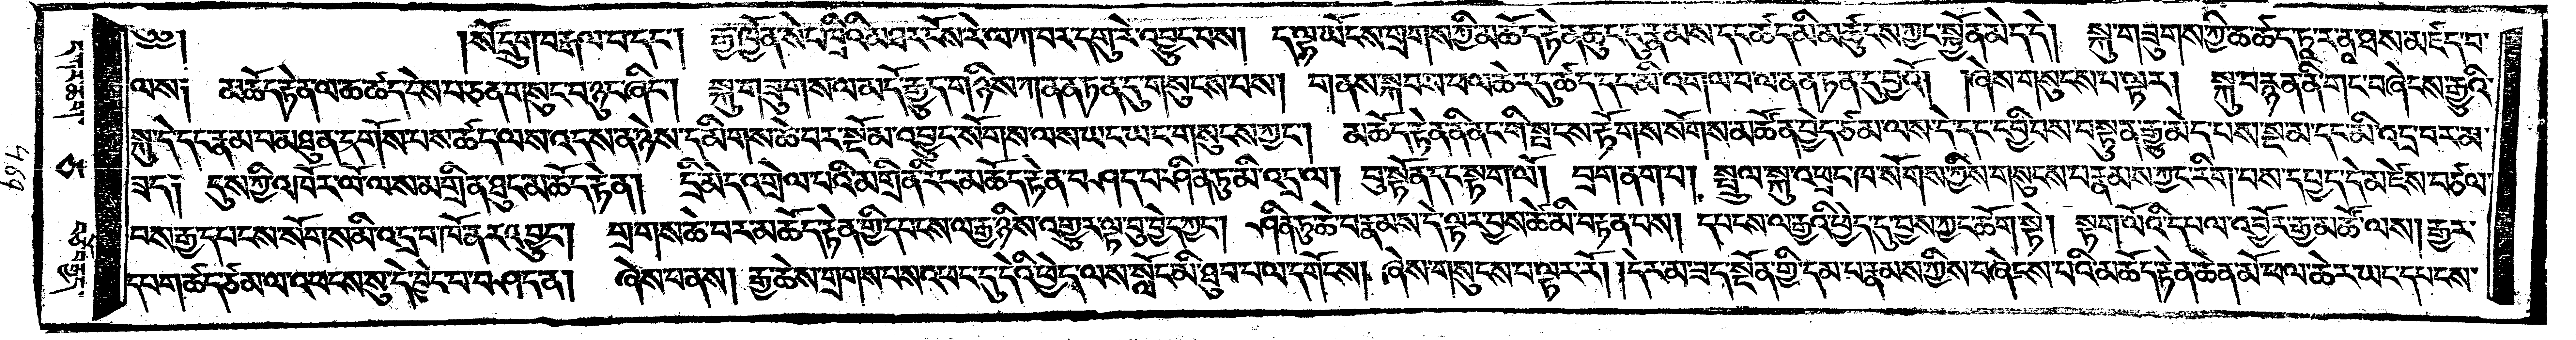༄༅། །སོ་དྲུག་བརྒལ་བ་དང་། རྒྱ་ཁྱོན་སེང་ཁྲིའི་མཐར་ངོས་རེ་ལ་ཀ་བར་དགུ་རེ་འབྱུང་བས། ད་ལྟ་ཡོངས་གྲགས་ཀྱི་མཆོད་རྟེན་ཆུང་དུ་རྣམས་དང་ཚད་མི་མཚུངས་ཀྱང་སྐྱོན་མེད་དེ། སྐུ་གཟུགས་ཀྱི་ཆ་ཚང་ཏཱ་ར་ནཱ་ཐས་མཛད་པ་
ལས༑ མཆོད་རྟེན་ལ་ཆ་ཚད་ངེས་པ་ཅན་གསུང་བ་ཉུང་ཞིང་། སྐུ་གཟུགས་ལ་མདོ་རྒྱུད་གཉིས་ཀ་ནན་ཏན་དུ་གསུངས་བས། གནས་སྐབས་ཕལ་ཆེར་དུ་ཚད་དང་མི་འགལ་བ་ལ་ནན་ཏན་དུ་བྱའོ། །ཞེས་གསུངས་པ་ལྟར། སྐུ་བརྙན་ནི་གང་བཞེངས་རྒྱུའི་
སྐུ་དེ་དང་རྣམ་པ་མཐུན་དགོས་པས་ཚད་ལས་བདས་ན་ཉེས་དམིགས་ཆེ་བར་སྡོམ་འབྱུང་སོགས་ལས་ཡང་ཡང་གསུངས་ཀྱང་། མཆོད་རྟེན་ནི་ནང་གི་སྤངས་རྟོགས་སོགས་མཚོན་བྱེད་ཙམ་ལས་དེ་དང་དབྱིབས་བསྟུན་རྒྱུ་མེད་པས་སྔ་མ་དང་མི་འདྲ་བར་མ་
ཟད༑ དུས་ཀྱི་འཁོར་ལོ་ལས་མགྲིན་ཐུང་མཆོད་རྟེན། དྲི་མེད་འགྲེལ་བའི་མགྲིན་རིང་མཆོད་རྟེན་བཤད་པ་ཤིན་ཏུ་མི་འདྲ་ལ། བུ་སྟོན་དང་སྟག་ལོ། བྲག་ནག་པ། སྤྲུལ་སྐུ་འཕྲང་ཁ་སོགས་ཀྱིས་གསུངས་བ་རྣམས་ཀྱང་རིག་པས་དཔྱད་དེ་མཛེས་བཙལ་
བས་རྒྱ་དཔངས་སོགས་མི་འདྲ་བ་ཁོ་ནར་འབྱུང་། གྲགས་ཆེ་བར་མཆོད་རྟེན་གྱི་དབངས་ལ་རྒྱ་ཉིས་འགྱུར་ལྟ་བུ་བྱེད་ཀྱང་། ཤིན་ཏུ་ཆེ་བ་རྣམས་དེ་ལྟར་བྱས་ཚེ་མི་བརྟན་པས། དཔངས་ལ་རྒྱའི་ཕྱེད་དུ་བྱས་ཀྱང་ཆོག་སྟེ། སྟག་ལོའི་དཔལ་འབྱོར་རྒྱ་མཚོ་ལས། རྒྱར་
དཔག་ཚད་ཙམ་ལ་འཕངས་སུ་དེ་བྱེད་པ་བཤད་ན། ཞེས་པ་ནས། རྒྱ་ཆེས་གྲགས་པས་འཕང་དུ་དེའི་ཕྱེད་ལས་སློང་མི་ཐུབ་པ་ལ་དགོངས། ཞེས་གསུངས་པ་ལྟར་རོ། །དེར་མ་ཟད་སྔོན་གྱི་དམ་པ་རྣམས་ཀྱིས་བཞེངས་པའི་མཆོད་རྟེན་ཆེན་མོ་ཕལ་ཆེར་ཡང་དཔངས་